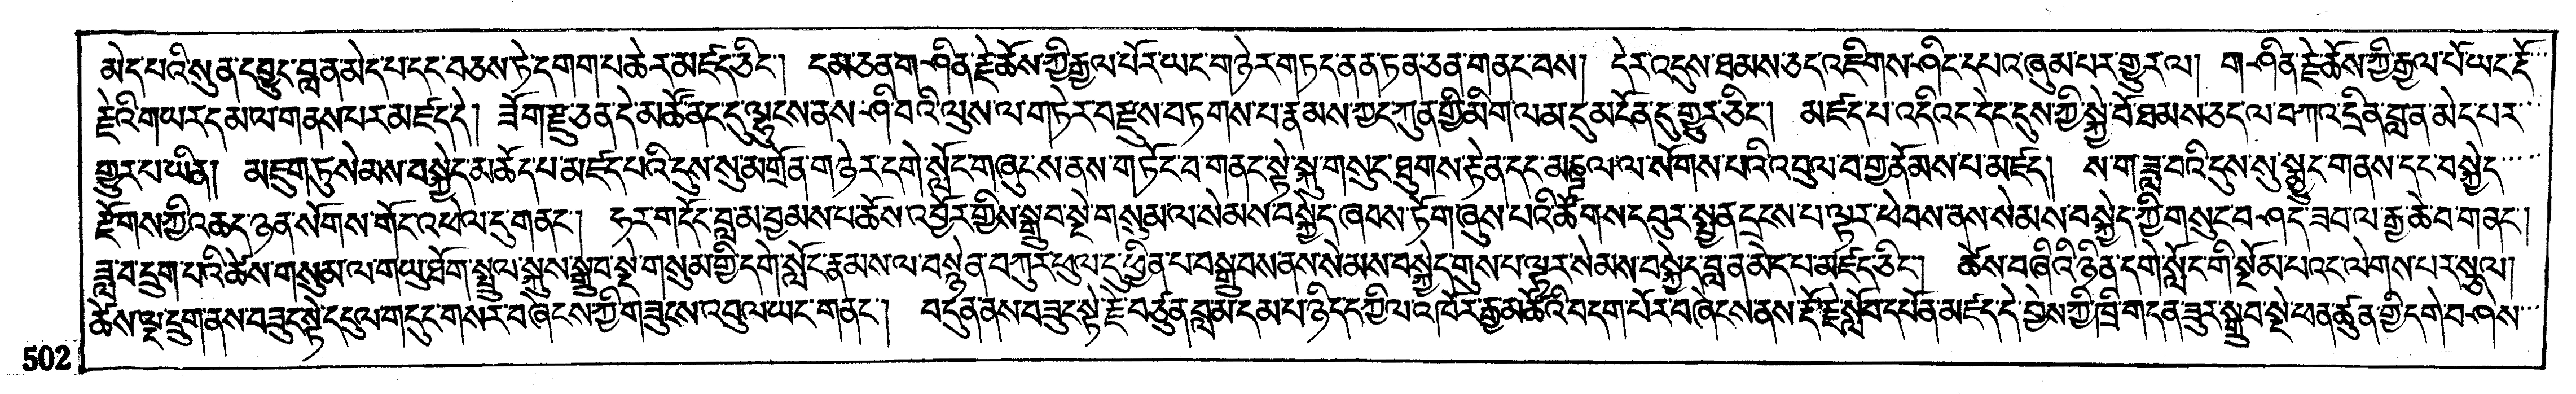མེད་པའི་སུན་དབྱུང་བླ་ན་མེད་པ་དང་བཅས་ཏེ་དགག་པ་ཆེར་མཛད་ཅིང་། དམ་ཅན་གཤིན་རྗེ་ཆོས་ཀྱི་རྒྱལ་པོར་ཡང་གཉེར་གཏད་ནན་ཏན་ཅན་གནང་བས། དེར་འདུས་ཐམས་ཅད་འཇིགས་ཤིང་དཔའ་ཞུམ་པར་གྱུར་ལ། གཤིན་རྗེ་ཆོས་ཀྱི་རྒྱལ་པོ་ཡང་རྡོ་
རྗེའི་གཡར་དམ་ལ་གནས་པར་མཛད་དེ། ཟོག་རྫུ་ཅན་དེ་མཚོ་ནང་དུ་ལྷུངས་ནས་ཤི་བའི་ལུས་ལ་གཏེར་བརྫུས་བཏགས་པ་རྣམས་ཀྱང་ཀུན་གྱི་མིག་ལམ་དུ་མངོན་དུ་གྱུར་ཅིང་། མཛད་པ་འདིའང་དེང་དུས་ཀྱི་སྐྱེ་བོ་ཐམས་ཅད་ལ་བཀའ་དྲིན་བླ་ན་མེད་པར་
གྱུར་པ་ཡིན། མཇུག་ཏུ་སེམས་བསྐྱེད་མཆོད་པ་མཛད་པའི་དུས་སུ་མགྲོན་གཉེར་དགེ་སློང་གཞུང་ས་ནས་གཏོང་བ་གནང་སྟེ་སྐུ་གསུང་ཐུགས་རྟེན་དང་མཎྜལ་ལ་སོགས་པའི་འབུལ་བ་གྱ་ནོམས་པ་མཛད། ས་ག་ཟླ་བའི་དུས་སུ་སྨྱུང་གནས་དང་བསྐྱེད་
རྫོགས་ཀྱི་འཆད་ཉན་སོགས་གོང་འཕེལ་དུ་གནང་། ཧར་གདོང་བླ་མ་བྱམས་པ་ཆོས་འབྱོར་གྱིས་སྒྲུབ་སྡེ་གསུམ་ལ་སེམས་བསྐྱེད་ཞབས་ཏོག་ཞུས་པའི་ཚོགས་དབུར་སྤྱན་དྲངས་པ་ལྟར་ཕེབས་ནས་སེམས་བསྐྱེད་ཀྱི་གསུང་བཤད་ཟབ་ལ་རྒྱ་ཆེ་བ་གནང་།
ཟླ་བ་དྲུག་པའི་ཚེས་གསུམ་ལ་གཡུ་ཐོག་སྤྲུལ་སྐུས་སྒྲུབ་སྡེ་གསུམ་གྱི་དགེ་སློང་རྣམས་ལ་བསྙེན་བཀུར་ཕུལ་དུ་ཕྱིན་པ་བསྒྲུབས་ནས་སེམས་བསྐྱེད་ཞུས་པ་ལྟར་སེམས་བསྐྱེད་བླ་ན་མེད་པ་མཛད་ཅིང་། ཚེས་བཞིའི་ཉིན་དགེ་སློང་གི་སྡོམ་པའང་ལེགས་པར་སྩལ།
ཚེས་ལྔ་དྲུག་ནས་བཟུང་སྟེ་དངུལ་གདུང་གསར་བཞེངས་ཀྱི་གཟུངས་འབུལ་ཡང་གནང་། བདུན་ནས་བཟུང་སྟེ་རྗེ་བཙུན་བླ་མ་དམ་པ་ཉིད་དཀྱིལ་འཁོར་རྒྱ་མཚོའི་བདག་པོར་བཞེངས་ནས་རྡོ་རྗེ་སློབ་དཔོན་མཛད་དེ་བྱེས་ཀྱི་ཁྲི་གདན་ཟུར་སྒྲུབ་སྡེ་ཕན་ཚུན་གྱི་དགེ་བཤེས་